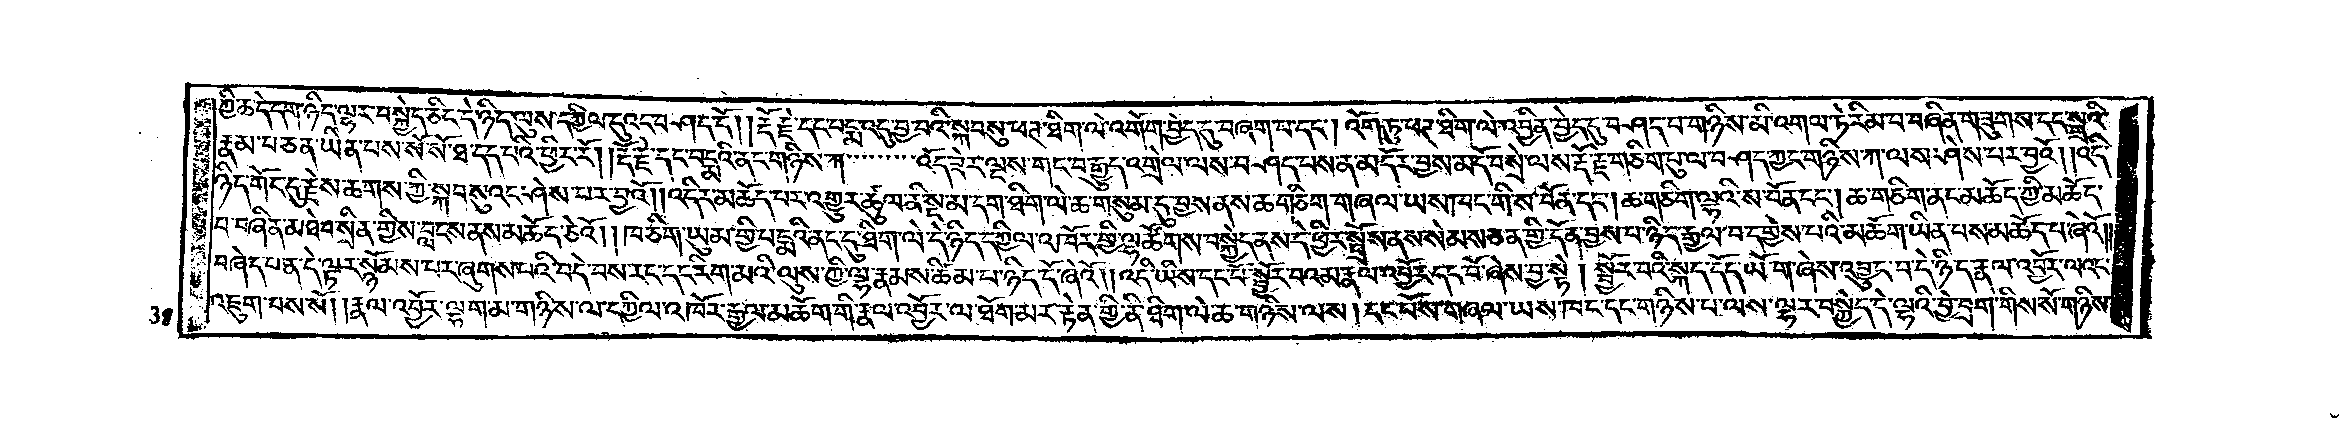ཀྱི་ཆ་དེ་དག་ཉིད་ལྷར་བསྐྱེད་ཅིང་དེ་ཉིད་ལུས་དཀྱིལ་དུའང་བཤད་དོ། །རྡོ་རྗེ་དང་པདམ་འདུ་བྱ་བའི་སྐབས་སུ་ཕགས་ཐིག་ལེ་འགོག་བྱེད་དུ་བཞག་པ་དང་། འོག་ཏུ་ཕགས་ཐིག་ལེ་འབྱིན་བྱེད་དུ་བཤད་པ་གཉིས་མི་འགལ་ཏེ་རིམ་པ་བཞིན་གཟུགས་དང་སྒྲའི་
རྣམ་པ་ཅན་ཡིན་པས་སོ་སོ་ཐ་དད་པའི་ཕྱིར་རོ། །རྡོ་རྗེ་དང་པདམའི་ནང་གཉིས་ཀ་འོད་ཟེར་ལྔས་གང་བ་རྒྱུད་འགྲེལ་ལས་བཤད་པས་ན་མདོར་བྱས་མདོ་བསྲེ་ལས་རྡོ་རྗེ་གཅིག་པུ་ལ་བཤད་ཀྱང་གཉིས་ཀ་ལས་ཤེས་པར་བྱའོ། །འདི་
ཉིད་གོང་དུ་རྗེས་ཆགས་ཀྱི་སྐབས་སུའང་ཤེས་པར་བྱའོ། །འདིར་མཆོད་པར་འགྱུར་ཚུལ་ནི་སྔ་མ་དག་ཐིག་ལེ་ཆ་གསུམ་དུ་བྱས་ནས་ཆ་གཅིག་གཞལ་ཡས་ཁང་གི་ས་བོན་དང་། ཆ་གཅིག་ལྷའི་ས་བོན་དང་། ཆ་གཅིག་ནང་མཆོད་ཀྱི་མཆོ་
པ་བཞིན་མཐེབ་སྲིན་གྱིས་བླངས་ནས་མཆོད་ཅེའོ། །ཁ་ཅིག་ཡུམ་གྱི་པདམའི་ནང་དུ་ཐིག་ལེ་དེ་ཉིད་དཀྱིལ་འཁོར་གྱི་ལྷ་ཚོགས་བསྐྱེད་ནས་དེ་ཕྱིར་སྤྲོས་ནས་སེམས་ཅན་གྱི་དོན་བྱས་པ་ཉིད་རྒྱལ་བ་དགྱེས་པའི་མཆོག་ཡིན་པས་མཆོད་པ་ཞེའོ། །
བཞེད་པ་ན་དེ་ལྟར་སྙོམས་པར་ཞུགས་པའི་བདེ་བས་རང་དང་རིག་མའི་ལུས་ཀྱི་ལྷ་རྣམས་ཚིམ་པ་ཉིད་དོ་ཞེའོ། །འདི་ཡིས་དང་པོ་སྦྱོར་བའམ་རྣལ་འབྱོར་དང་པོ་ཞེས་བྱ་སྟེ། སྦྱོར་བའི་སྐད་དོད་ཡོ་ག་ཞེས་འབྱུང་བ་དེ་ཉིད་རྣལ་འབྱོར་ལའང་
འཇུག་པས་སོ། །རྣལ་འབྱོར་ལྷག་མ་གཉིས་ལ་དཀྱིལ་འཁོར་རྒྱལ་མཆོག་གི་རྣལ་འབྱོར་ལ་ཐོག་མར་རྟེན་གྱི་ནི་ཐིག་ལེ་ཆ་གཉིས་ལས། དང་པོས་གཞལ་ཡས་ཁང་དང་གཉིས་པ་ལས་ལྷར་བསྐྱེད་དེ་ལྷའི་བྱེ་བྲག་གིས་སོ་གཉིས་